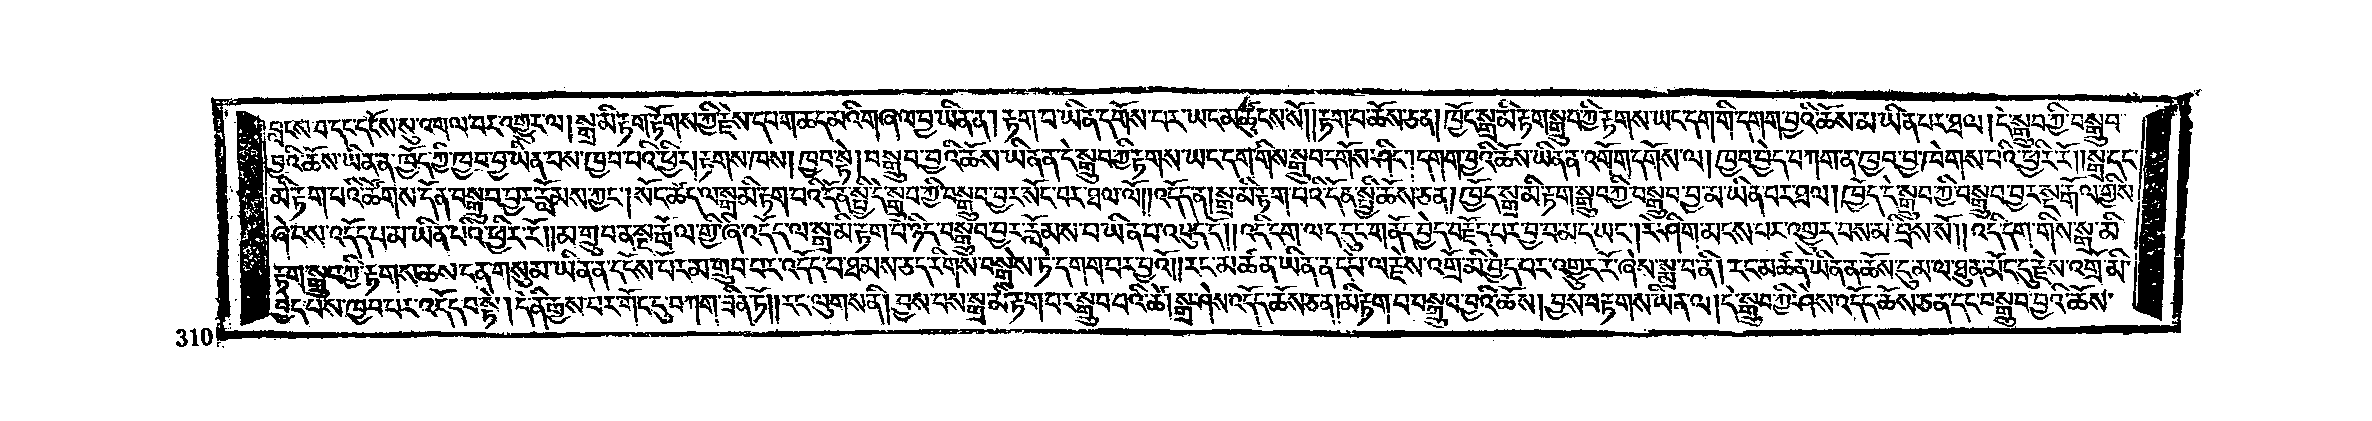བླངས་བ་དང་དངོས་སུ་འགལ་བར་འགྱུར་ལ། སྒྲ་མི་རྟག་རྟོགས་ཀྱི་རྗེས་དཔག་ཚད་མའི་གཞལ་བྱ་ཡིན་ན། རྟག་པ་ཡིན་དགོས་པར་ཡང་མཚུངས་སོ། །རྟག་པ་ཆོས་ཅན། ཁྱོད་སྒྲ་མི་རྟག་སྒྲུབ་ཀྱི་རྟགས་ཡང་དག་གི་དགག་བྱའི་ཆོས་མ་ཡིན་པར་ཐལ། དེ་སྒྲུབ་ཀྱི་བསྒྲུབ་
བྱའི་ཆོས་ཡིན་ན་ཁྱོད་ཀྱི་ཁྱབ་བྱ་ཡིན་པས་ཁྱབ་པའི་ཕྱིར། རྟགས་ཁས། ཁྱབ་སྟེ། བསྒྲུབ་བྱའི་ཆོས་ཡིན་ན་དེ་སྒྲུབ་ཀྱི་རྟགས་ཡང་དག་གིས་སྒྲུབ་དགོས་ཤིང་། དགག་བྱའི་ཆོས་ཡིན་ན་འགོག་དགོས་ལ། ཁྱབ་བྱེད་བཀག་ན་ཁྱབ་བྱ་ཁེགས་པའི་ཕྱིར་རོ། །སྒྲ་དང་
མི་རྟག་པའི་ཚོགས་དོན་བསྒྲུབ་བྱར་རློམས་ཀྱང་། སོང་ཚེད་ལ་སྒྲ་མི་རྟག་པའི་དོན་སྤྱི་དེ་སྒྲུབ་ཀྱི་བསྒྲུབ་བྱར་སོང་བར་ཐལ་ལོ། །འདོད་ན། སྒྲ་མི་རྟག་པའི་དོན་སྤྱི་ཆོས་ཅན། ཁྱོད་སྒྲ་མི་རྟག་སྒྲུབ་ཀྱི་བསྒྲུབ་བྱ་མ་ཡིན་པར་ཐལ། ཁྱོད་དེ་སྒྲུབ་ཀྱི་བསྒྲུབ་བྱར་སྔ་རྒོལ་གྱིས་
ཞེ་བས་འདོད་པ་མ་ཡིན་པའི་ཕྱིར་རོ། །མ་གྲུབ་ན་སྔ་རྒོལ་གྱི་ཞི་འདོད་ལ་སྒྲ་མི་རྟག་པ་ཉིད་བསྒྲུབ་བྱར་རློམས་པ་ཡིན་པ་འབུད་དོ། །འདི་དག་ལ་ད་དུང་གནོད་བྱེད་བརྗོད་པར་བྱ་བ་མེད་ཡང་། རེ་ཤིག་མངས་པར་འགྱུར་བས་མ་བྲིས་སོ། །འདི་དག་གིས་སྒྲ་མི་
རྟག་སྒྲུབ་ཀྱི་རྟགས་ཆོས་དོན་གསུམ་ཡིན་ན་དངོས་པོར་མ་གྲུབ་པར་འདོད་པ་ཐམས་ཅད་རིགས་བསྒྲེས་ཏེ་དགག་པར་བྱའོ། །རང་མཚན་ཡིན་ན་དཔེ་ལ་རྗེས་འགྲོ་མི་བྱེད་པར་འགྱུར་རོ་ཞེས་སྨྲ་བ་ནི། རང་མཚན་ཡིན་ན་ཆོས་དུ་མ་ལ་ཐུན་མོང་དུ་རྗེས་འགྲོ་མི་
བྱེད་པས་ཁྱབ་པར་འདོད་པ་སྟེ། དེ་ནི་རྒྱས་པར་གོང་དུ་བཀག་ཟིན་ཏོ། །རང་ལུགས་ནི། བྱས་པས་སྒྲ་མི་རྟག་པར་སྒྲུབ་པའི་ཚེ། སྒྲ་ཤེས་འདོད་ཆོས་ཅན། མི་རྟག་པ་བསྒྲུབ་བྱའི་ཆོས། བྱས་པ་རྟགས་ཡིན་ལ། དེ་སྒྲུབ་ཀྱི་ཤེས་འདོད་ཆོས་ཅན་དང་བསྒྲུབ་བྱའི་ཆོས་